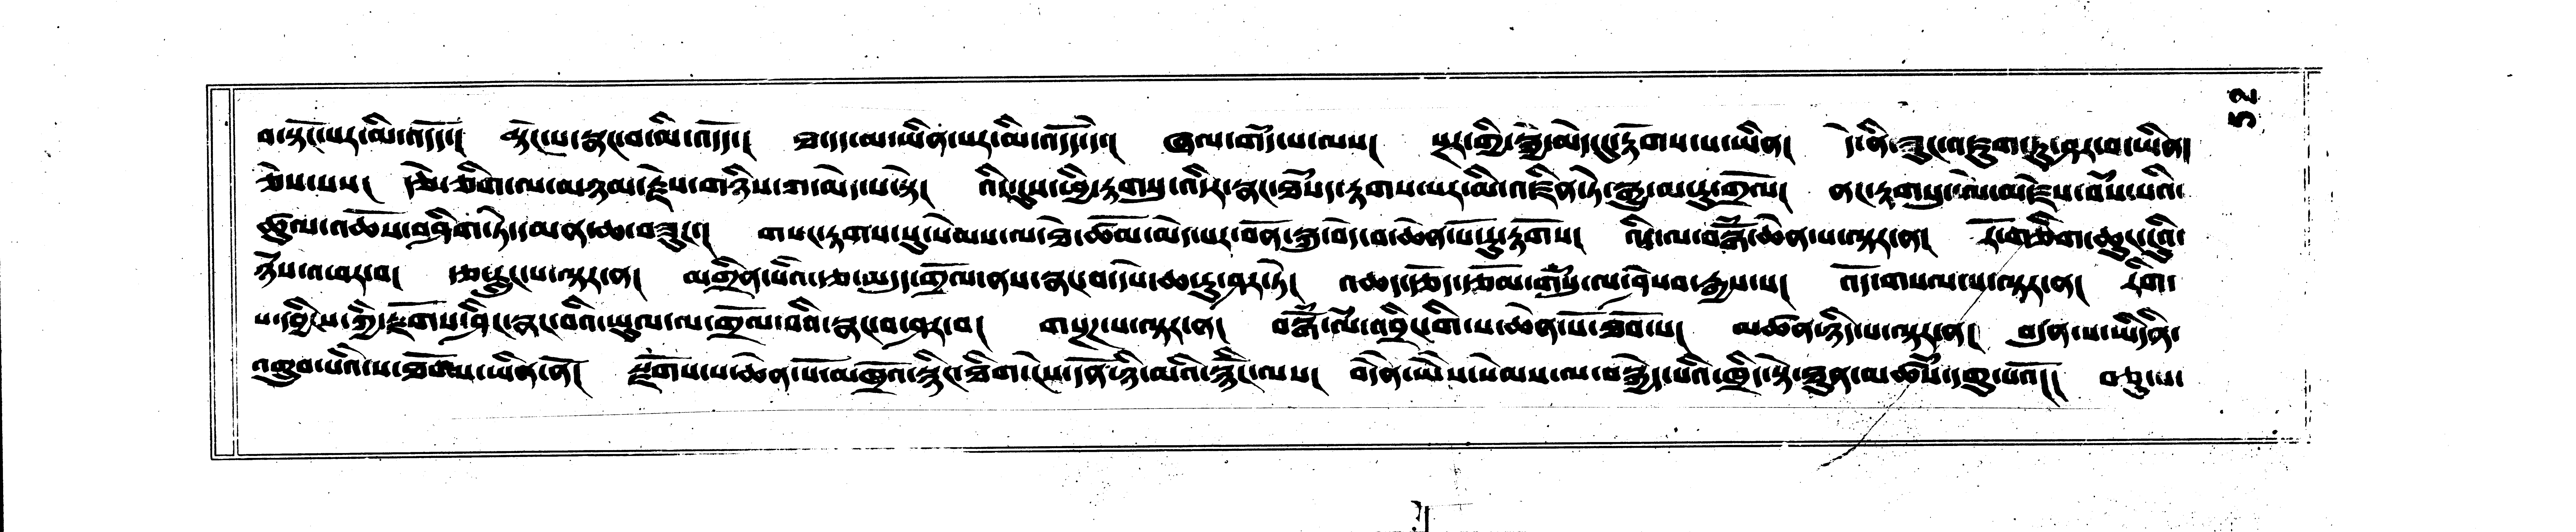བ་སྟོང་པར་མི་འདོད། ཐ་དད་མ་ཡིན་པར་མི་འདོད་དེ། ཞལ་གདམས་པ་ལས། སྔར་གྱི་སྐྱེ་མེད་དུ་རྟོགས་པ་ཡིན། དེ་ནི་ཟུང་འཇུག་ཏུ་ཤར་བ་ཡིན།
 ཅེས་པས་རྩེ་གཅིག་ལ་མཉམ་རྗེས་གཉིས་ཀ་མེད་པ་སྟེ། འདི་དུས་ཕྱི་རྟགས་སུ་འདི་སྣང་ཐམས་ཅད་རྟག་པར་མི་འཛིན་ཏེ་སྒྱུ་མ་རུ་གྲོལ། ནང་རྟགས་སུ་ཨེ་མཛེས་བསམ་པའི་
ཚུལ་འཆོས་བཤིགས་ཏེ་དམན་ཆ་བཟུང་། གསང་རྟགས་སུ་སེམས་ལ་ཐེ་ཚོམ་མེད་པར་བོན་སྐུ་བདེ་བ་ཆེན་པོ་རུ་རྟོགས། འདི་ལ་སྒོམ་ཆེན་པ་ལྟར་ན། རོ་གཅིག་ཆུང་ངུའི་
ཉམས་འཕར་བ། རྩ་རླུང་པ་ལྟར་ན། མགྲིན་པའི་རྩ་མདུད་གྲོལ་ནས་སྣང་བ་དཔེ་ཆ་རུ་ཤར་ཏེ། འཆད་རྩོད་རྩོམ་གསུམ་ལ་ཤེས་རབ་རྒྱས་པ། འོད་གསལ་པ་ལྟར་ན། རིག་
པ་དབྱིངས་ཀྱི་རྫོགས་ཤིང་སྣང་བའི་ཡུལ་ལ་གྲོལ་བའི་སྣང་བ་ཤར། གསང་སྔགས་པ་ལྟར་ན། སྒོམ་ལམ་འབྲིང་གི་ས་ཆེན་པོ་ཐོབ་པ། མཚན་ཉིད་པ་ལྟར་ན། བདུན་པ་ཡིད་བཞིན་
འགྲུབ་པའི་ས་ཐོབ་པ་ཡིན་ནོ། །རྫོགས་པ་ཆེན་པོ་མཁའ་འགྲོ་སྙིང་ཐིག་ངེས་དོན་ཉི་མའི་སྙིང་པོ་ལས། བདེ་ཆེན་ཡེ་ཤེས་སེམས་ལ་བསྐྱེད་པའི་ཁྲིད་དེ་ཐུན་མཚམས་དགུ་པའོ།། །།གསུམ་པ་